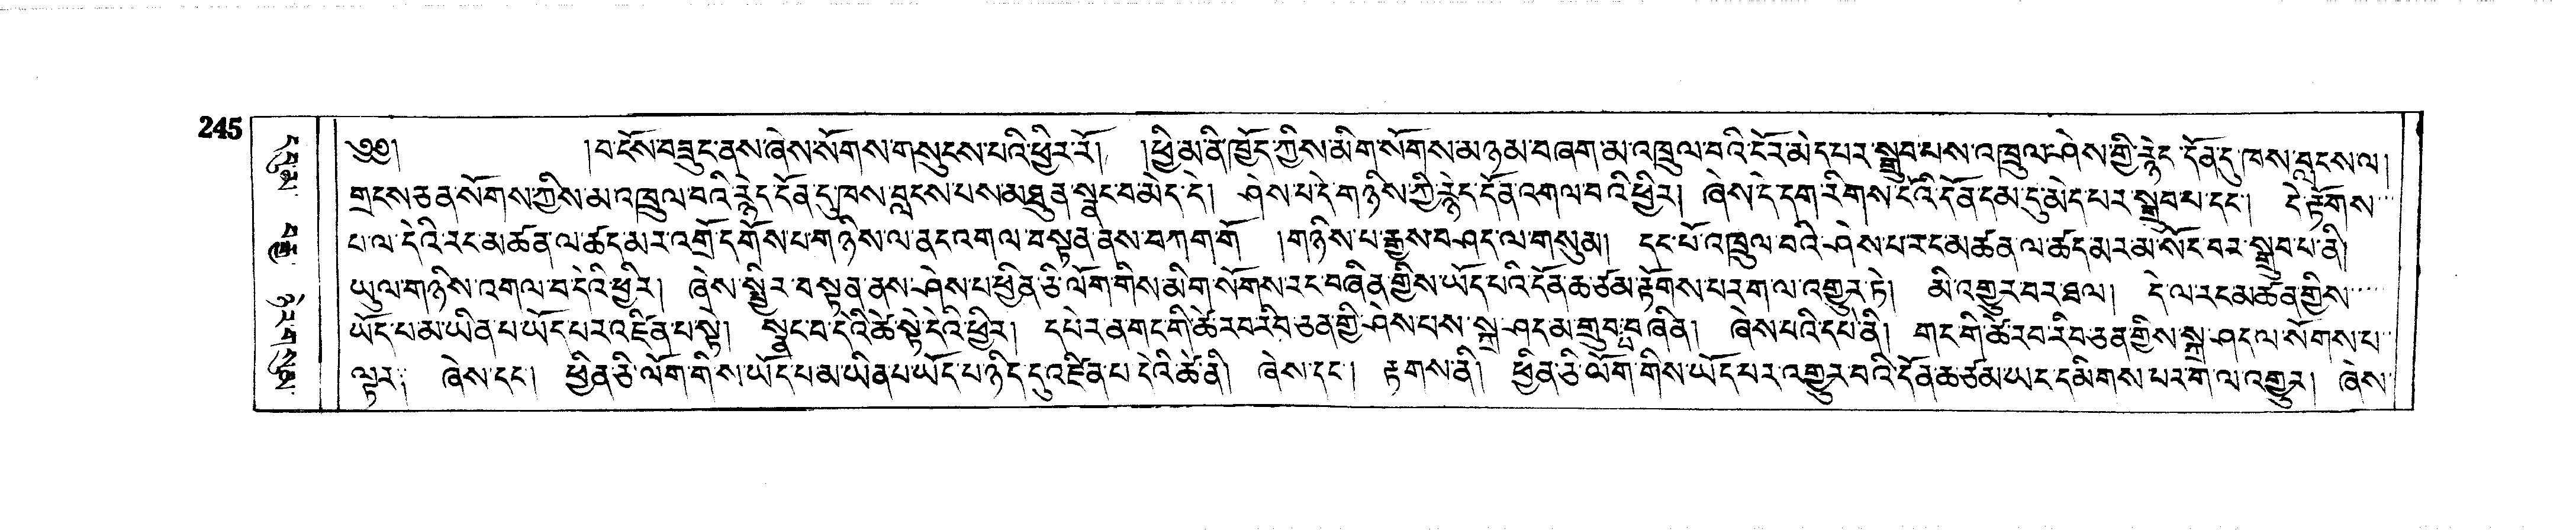༄༅། །བ་ངོས་བཟུང་ནས་ཞེས་སོགས་གསུངས་པའི་ཕྱིར་རོ། །ཕྱི་མ་ནི་ཁྱོད་ཀྱིས་མིག་སོགས་མཉམ་བཞག་མ་འཁྲུལ་བའི་ངོར་མེད་པར་སྒྲུབ་པས་འཁྲུལ་ཤེས་གྱི་རྙེད་དོན་དུ་ཁས་བླངས་ལ། གྲངས་ཅན་སོགས་ཀྱིས་མ་འཁྲུལ་བའི་རྙེད་དོན་དུ་ཁས་བླངས་པས་མཐུན་སྣང་བ་མེད་དེ། ཤེས་པ་དེ་གཉིས་ཀྱི་རྙེད་དོན་འགལ་བའི་ཕྱིར། ཞེས་དེ་དག་རིགས་ངོའི་དོན་དམ་དུ་མེད་པར་སྒྲུབ་པ་དང་། དེ་རྟོགས་
པ་ལ་དེའི་རང་མཚན་ལ་ཚད་མར་འགྲོ་དགོས་པ་གཉིས་ལ་ནང་འགལ་བསྟན་ནས་བཀག་གོ །གཉིས་པ་རྒྱས་བཤད་ལ་གསུམ། དང་པོ་འཁྲུལ་བའི་ཤེས་པ་རང་མཚན་ལ་ཚད་མར་མ་སོང་བར་སྒྲུབ་པ་ནི།
ཡུལ་གཉིས་འགལ་བ་དེའི་ཕྱིར། ཞེས་སྤྱིར་བསྟན་ནས་ཤེས་པ་ཕྱིན་ཅི་ལོག་གིས་མིག་སོགས་རང་བཞིན་གྱིས་ཡོད་པའི་དོན་ཆ་ཙམ་རྟོགས་པར་ག་ལ་འགྱུར་ཏེ། མི་འགྱུར་བར་ཐལ། དེ་ལ་རང་མཚན་གྱིས་
ཡོད་པ་མ་ཡིན་པ་ཡོད་པར་འཛིན་པ་སྟེ། སྣང་བ་དེའི་ཚེ་སྟེ་དེའི་ཕྱིར། དཔེར་ན་གང་གི་ཚེ་རབ་རིབ་ཅན་གྱི་ཤེས་པས་སྐྲ་ཤད་མ་གྲུབ་པ་བཞིན། ཞེས་པའི་དཔེ་ནི། གང་གི་ཚེ་རབ་རིབ་ཅན་གྱིས་སྐྲ་ཤད་ལ་སོགས་པ་
ལྟར། ཞེས་དང་། ཕྱིན་ཅི་ལོག་གིས་ཡོད་པ་མ་ཡིན་པ་ཡོད་པ་ཉིད་དུ་འཛིན་པ་དེའི་ཚེ་ནི། ཞེས་དང་། རྟགས་ནི། ཕྱིན་ཅི་ལོག་གིས་ཡོད་པར་འགྱུར་བའི་དོན་ཆ་ཙམ་ཡང་དམིགས་པར་ག་ལ་འགྱུར། ཞེས་